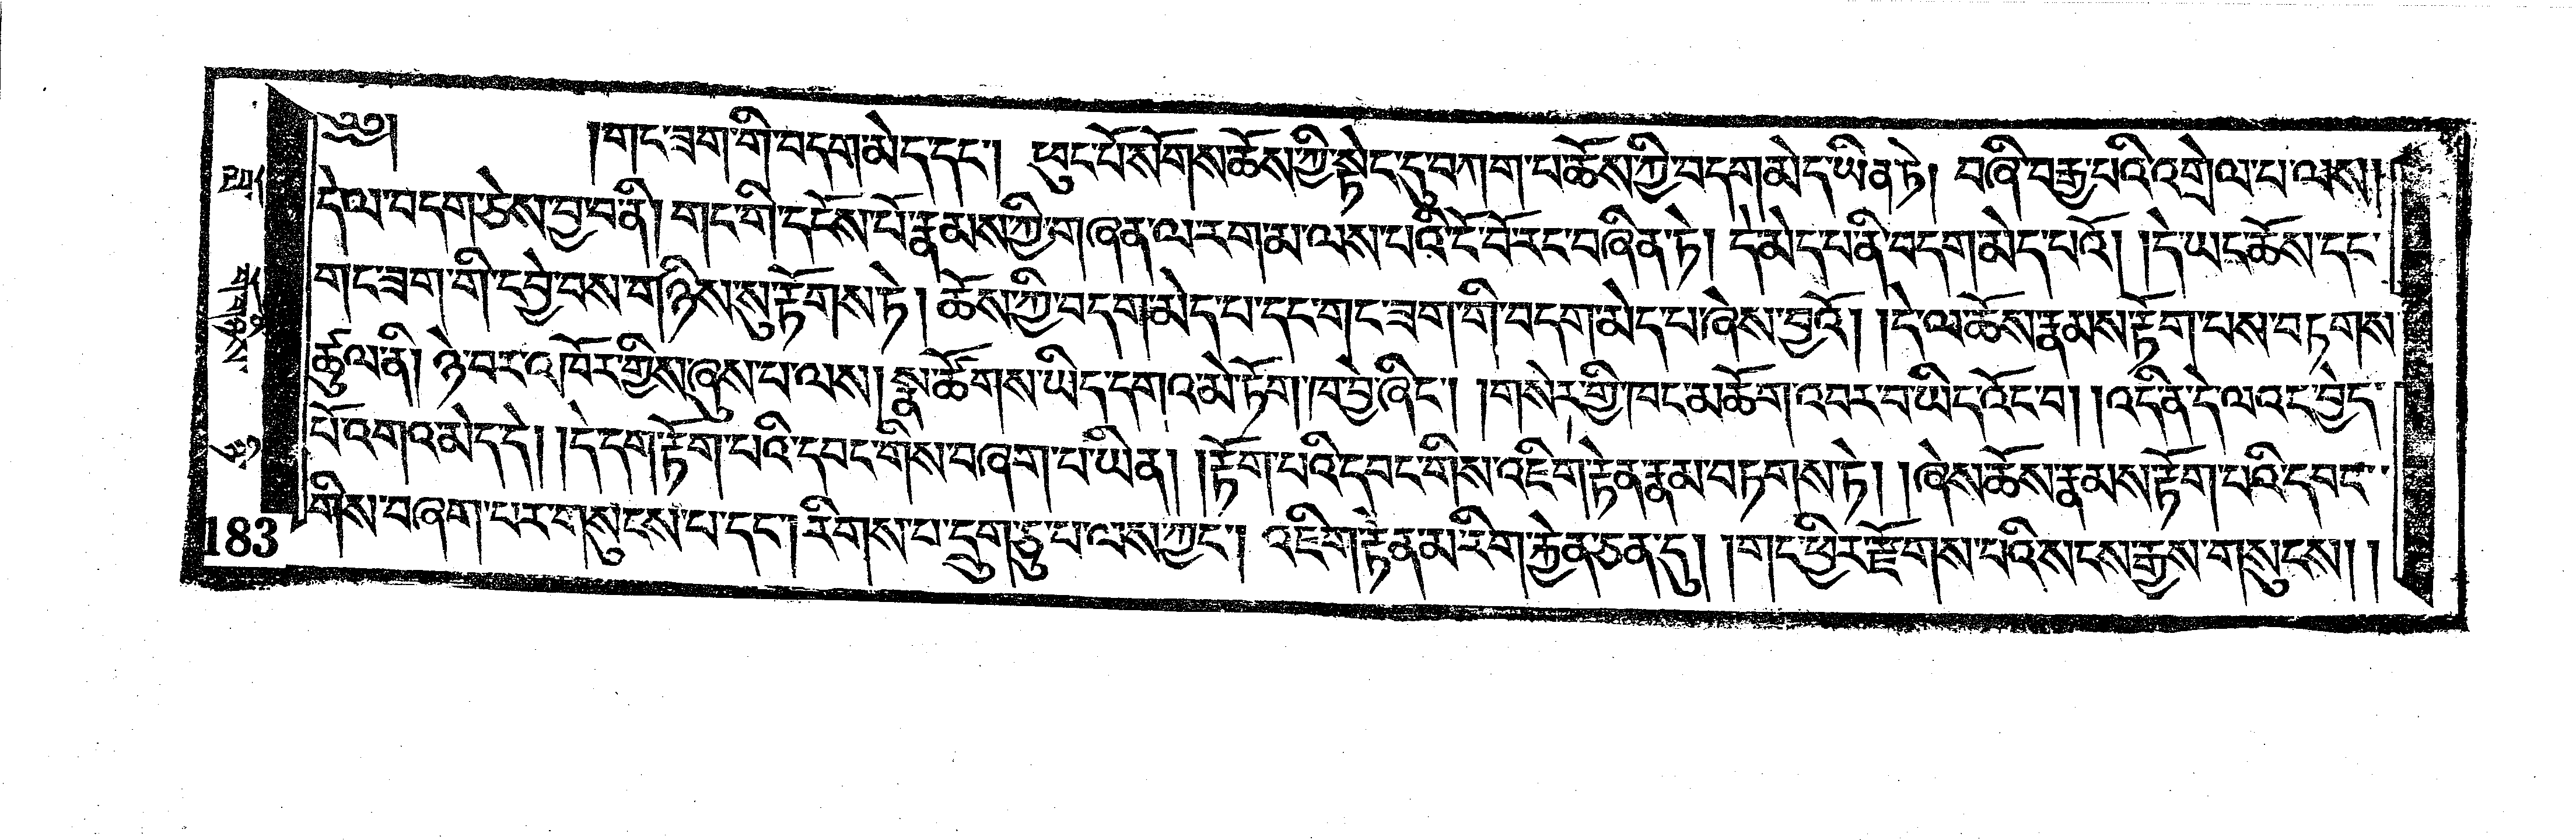༄༅། །གང་ཟག་གི་བདག་མེད་དང་། ཕུང་པོ་སོགས་ཆོས་ཀྱི་སྟེང་དུ་བཀག་པ་ཆོས་ཀྱི་བདག་མེད་ཡིན་ཏེ། བཞི་བརྒྱ་པའི་འགྲེལ་པ་ལས།
དེ་ལ་བདག་ཅེས་བྱ་བ་ནི། གང་གི་དངོས་པོ་རྣམས་ཀྱི་གཞན་ལ་རག་མ་ལས་པའི་ངོ་བོ་རང་བཞིན་ཏེ། དེ་མེད་པ་ནི་བདག་མེད་པའོ། །དེ་ཡང་ཆོས་དང་
གང་ཟག་གི་དབྱེ་བས་གཉིས་སུ་རྟོགས་ཏེ། ཆོས་ཀྱི་བདག་མེད་པ་དང་གང་ཟག་གི་བདག་མེད་པ་ཞེས་བྱའོ། །དེ་ལ་ཆོས་རྣམས་རྟོག་པས་བཏགས་
ཚུལ་ནི། ཉེ་བར་འཁོར་གྱིས་ཞུས་པ་ལས། སྣ་ཚོགས་ཡིད་དགའ་མེ་ཏོག་ཁ་བྱེ་ཞིང་། །གསེར་གྱི་ཁང་མཆོག་འབར་བ་ཡིད་འོང་བ། །འདི་ན་དེ་ལའང་བྱེད་
པོ་འགའ་མེད་དེ། །དེ་དག་རྟོག་པའི་དབང་གིས་བཞག་པ་ཡིན། །རྟོག་པའི་དབང་གིས་འཇིག་རྟེན་རྣམ་བཏགས་ཏེ། །ཞེས་ཆོས་རྣམས་རྟོག་པའི་དབང་
གིས་བཞག་པར་གསུངས་པ་དང་། རིགས་པ་དྲུག་ཅུ་པ་ལས་ཀྱང་། འཇིག་རྟེན་མ་རིག་རྐྱེན་ཅན་དུ། །གང་ཕྱིར་རྫོགས་པའི་སངས་རྒྱས་གསུངས། །